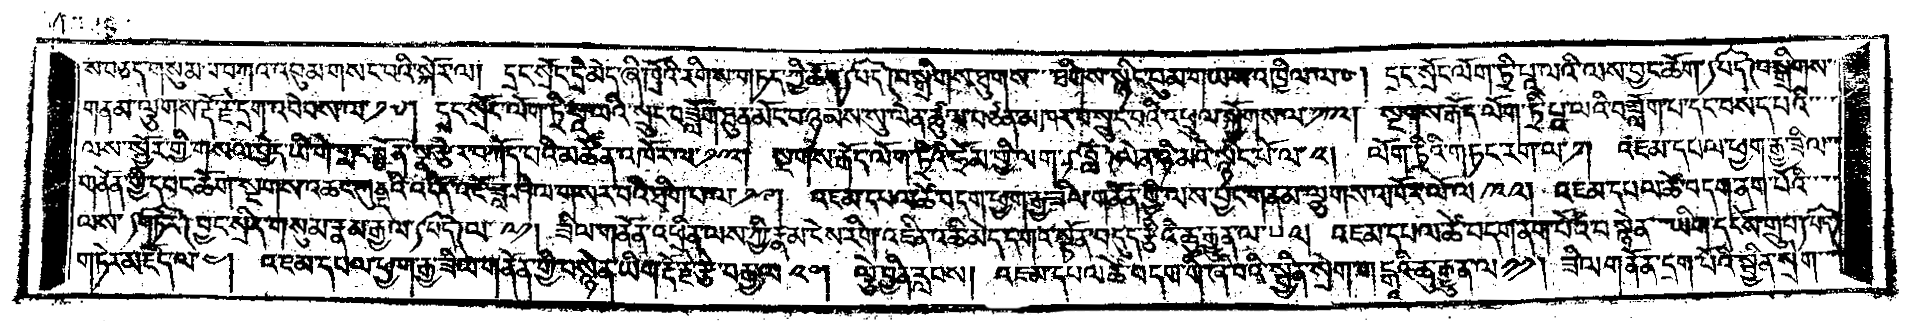ས་བཅད་གསུམ་པ་བཀའ་འབུམ་གསང་བའི་སྐོར་ལ། དྲང་སྲོང་དྲི་མེད་ཞི་ཁྲོའི་རིགས་གཏད་ཀྱི་ཆོག ༼པད༽ བསྒྲིགས་ཐུགས་ཐིགས་སྙིང་བུམ་གཡས་འཁྱིལ་ལ ༦། དྲང་སྲོང་ལོག་ཏྲི་པཱ་ལའི་ལས་བྱང་ཆོག ༼པད༽ བསྒྲིགས་
གནམ་ལྕགས་རྡོ་རྗེ་དྲག་འབེབས་ལ ༡༧། དྲང་སྲོང་ལོག་ཏྲི་པཱ་ལའི་སྲུང་བཟློག་ཐུན་མོང་བ་ཉམས་སུ་ལེན་ཚུལ་བཙན་མཁར་བསྲུང་བའི་འཕྲུལ་སྐྱོགས་ལ ༡༣། སྔགས་རྒོད་ལོག་ཏྲི་པཱ་ལའི་བཟློག་པ་དང་བསད་པའི་
ལས་སྦྱོར་གྱི་གསལ་བྱེད་ཡི་གེ་གླང་སྨྱོན་སྣ་རྩེར་བཀོད་པའི་མཚོན་འཁོར་ལ ༡༣། སྔགས་རྒོད་ལོག་ཏྲིའི་ཧྲོམ་གྱི་ལག ༼བླ༽ ལེན་ཉི་མའི་སྙིང་པོ་ལ ༢། ལོག་ཏྲིའི་གཏང་རག་ལ ༡། འཇམ་དཔལ་ཕྱག་རྒྱ་ཟིལ་
གནོན་གྱི་དབང་ཆོག་སྔགས་འཆང་ཀུནྡའི་འདོད་འཇོ་ཟླ་ཤེལ་གསར་བའི་ཐིག་པ་ལ ༡༩། འཇམ་དཔལ་ཚེ་བདག་ཕྱག་རྒྱ་ཟིལ་གནོན་གྱི་ལས་བྱང་གནམ་ལྕགས་འཁོར་ལོ་ལ ༣༢། འཇམ་དཔལ་ཚེ་བདག་ནག་པོའི་
ལས ༼གཏེར༽ བྱང་སྲིད་གསུམ་རྣམ་རྒྱལ ༼པད༽ ལ ༢༡། ཟིལ་གནོན་འཕྲིན་ལས་ཀྱི་རྣམ་ངེས་རིག་འཛིན་འཆི་མེད་དགའ་སྟོན་བདུད་རྩིའི་ཆུ་རྒྱུན་ལ ༥༢། འཇམ་དཔལ་ཚེ་བདག་ནག་པོའི་བསྙེན་ཡིག་དངོས་གྲུབ ༼པད༽
གཏེར་མཛོད་ལ ༤། འཇམ་དཔལ་ཕྱག་རྒྱ་ཟིལ་གནོན་གྱི་བསྙེན་ཡིག་རྡོ་རྗེ་རྩེ་བརྒྱ་ལ ༢༠། ལྕེ་བྱིན་རླབས། འཇམ་དཔལ་ཚེ་བདག་གི་ཞི་བའི་སྦྱིན་སྲེག་གངྒའི་ཆུ་རྒྱུན་ལ ༡༡། ཟིལ་གནོན་དྲག་པོའི་སྦྱིན་སྲེག་